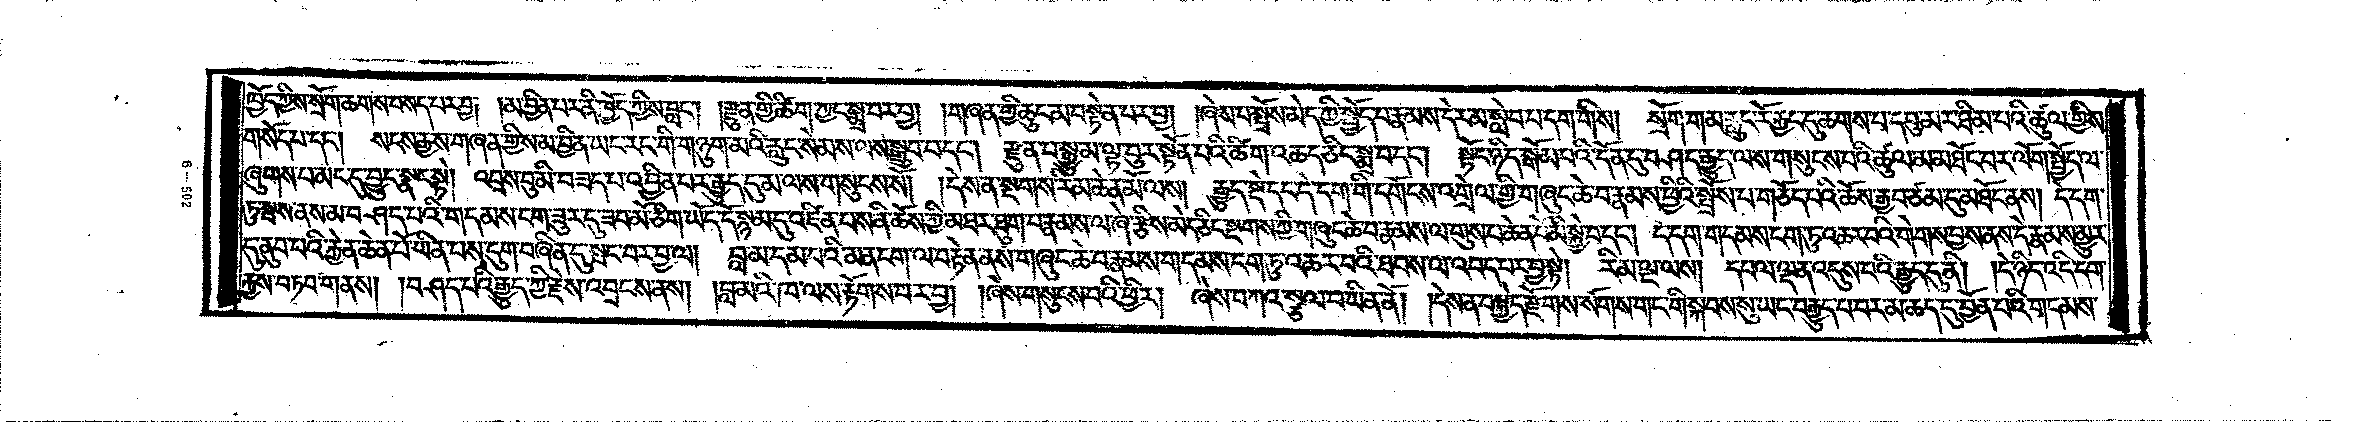ཁྱོད་ཀྱིས་སྲོག་ཆགས་བསད་པར་བྱ། །མ་བྱིན་པར་ནི་ཁྱོད་ཀྱིས་བླང་། །རྫུན་གྱི་ཚིག་ཀྱང་སྨྲ་བར་བྱ། །གཞན་གྱི་ཆུང་མ་བསྟེན་པར་བྱ། །ཞེས་པ་སྤྲོས་མེད་ཀྱི་སྤྱོད་པ་རྣམས་དེར་མ་སླེབ་པ་དག་གིས། སྲོག་གམ་རླུང་རོ་རྐྱང་དུ་ཆགས་པ་དབུ་མར་ཐིམ་པའི་ཚུལ་གྱིས་
གསོད་པ་དང་། སངས་རྒྱས་གཞན་གྱིས་མ་བྱིན་ཡང་རང་གི་གཉུག་མའི་རླུང་སེམས་ལས་སྒྲུབ་པ་དང་། རྫུན་པ་སྒྱུ་མ་ལྟ་བུར་སྟོན་པའི་ཚིག་འཆད་ཅིང་སྨྲ་བ་དང་། སྟོང་ཉིད་སྒོམ་པའི་དོན་དུ་བཤད་རྒྱུད་ལས་གསུངས་པའི་ཚུལ་མ་མཐོང་པར་ལོག་སྤྱོད་ལ་
ཞུགས་པ་མང་དུ་བྱུང་སྣང་སྟེ། འབྲས་བུ་མི་བཟད་པ་འབྱིན་པར་རྒྱུད་དུ་མ་ལས་གསུངས་སོ། །དེས་ན་སྔགས་རིམ་ཆེན་མོ་ལས། རྒྱུད་སྡེ་དང་དེ་དག་གི་དགོངས་འགྲེལ་གྱི་གཞུང་ཆེ་བ་རྣམས་ཕྱིའི་སྤྲོས་པ་གཅོད་པའི་ཆོས་རྒྱ་བ་ཙམ་དུ་མཐོང་ནས། དེ་དག་
ཏུ་སྦས་ནས་མ་བཤད་པའི་གདམས་ངག་ཟུར་དུ་ཟབ་མོ་ཅིག་ཡོད་དོ་སྙམ་དུ་འཛིན་པས་ནི་ཆོས་ཀྱི་མཐར་ཐུག་པ་རྣམས་ལ་ཞེ་རྩིས་མེད་ཅིང་སྔགས་ཀྱི་གཞུང་ཆེ་བ་རྣམས་ལ་གུས་པ་ཆེན་པོ་མི་སྐྱེ་བ་དང་། དེ་དག་གདམས་ངག་ཏུ་འཆར་བའི་གེགས་བྱས་ནས་དེ་རྣམས་མྱུར་
དུ་ནུབ་པའི་རྐྱེན་ཆེན་པོ་ཡིན་པས་དུག་བཞིན་དུ་སྤང་བར་བྱ་ལ། བླ་མ་དམ་པའི་མན་ངག་ལ་བརྟེན་ནས་གཞུང་ཆེ་བ་རྣམས་གདམས་ངག་ཏུ་འཆར་བའི་ཐབས་ལ་འབད་པར་བྱ་སྟེ། རིམ་ལྔ་ལས། དཔལ་ལྡན་འདུས་པའི་རྒྱུད་དུ་ནི། །དེ་ཉིད་འདི་དག་
རྐྱས་བཏབ་གནས། །བཤད་པའི་རྒྱུད་ཀྱི་རྗེས་འབྲངས་ནས། །བླ་མའི་ཁ་ལས་རྟོགས་པར་བྱ། །ཞེས་གསུངས་པའི་ཕྱིར། ཞེས་བཀའ་སྩལ་བ་ཡིན་ནོ། །དེས་ན་བསྐྱེད་རྫོགས་སོགས་གང་གི་སྐབས་སུ་ཡང་བརྒྱུད་པ་བར་མ་ཆད་དུ་བྱོན་པའི་གདམས་